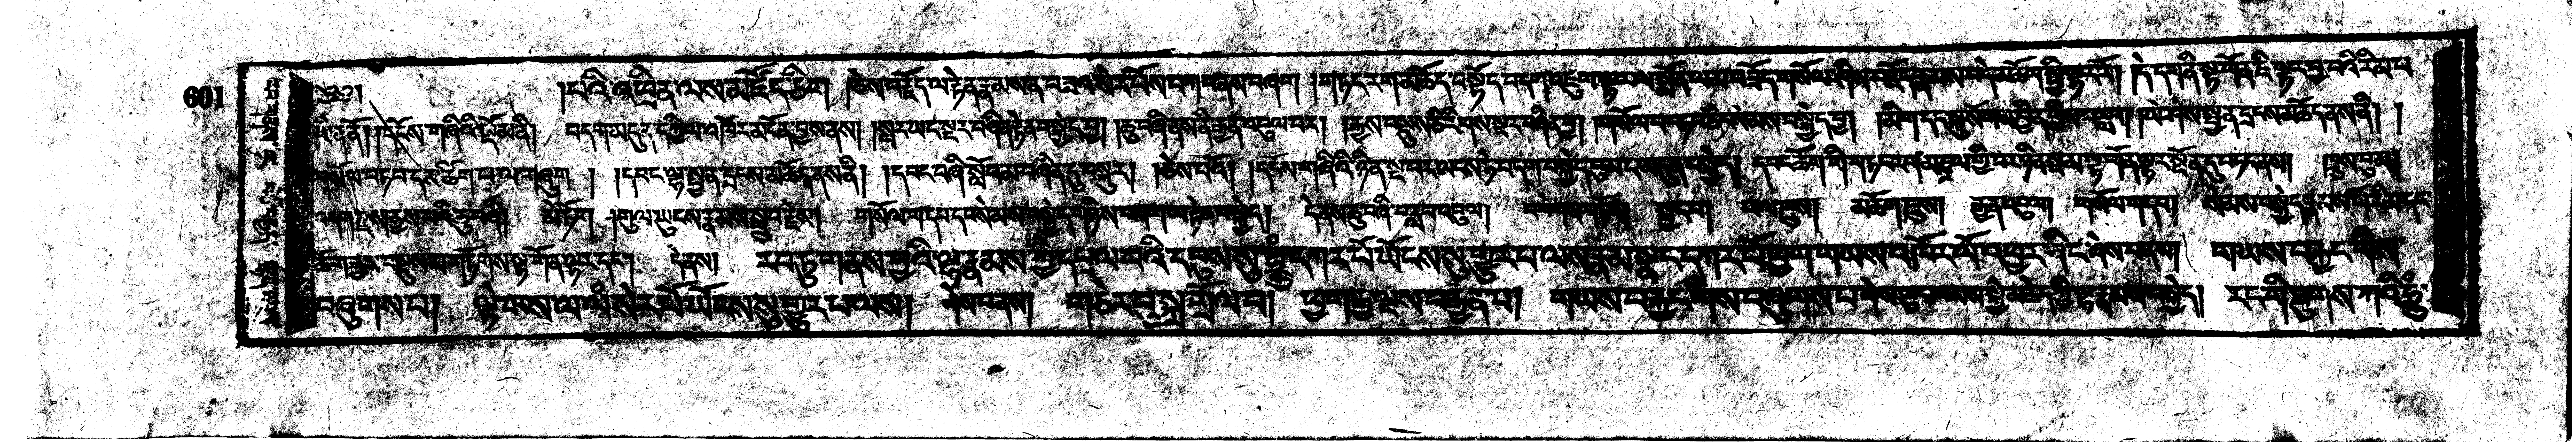༄༅། །པའི་འཕྲིན་ལས་མཛོད་ཅིག །ཅེས་བརྗོད་ལ་རྟེན་རྣམས་ན་བཟའ་སེར་པོས་བཀབ་ནས་བཞག །གཏང་རག་མཆོད་བསྟོད་བདག་འཇུག་ལྟར་ལ་སྨོན་ལམ་བཟོད་གསོལ་ཤིས་བརྗོད་རྣམས་བདེ་མཆོག་སྤྱི་ལྟར་རོ། །དེ་དག་ནི་སྟ་གོན་ཇི་ལྟར་བྱ་བའི་རིམ་པ་
ཡིན་ནོ། །དངོས་གཞིའི་སྡོམ་ནི། བདག་མདུན་དཀྱིལ་འཁོར་མངོན་བྱས་ནས། །སྒར་ཡང་སྔར་བཞིན་རྟེན་བསྐྱེད་བྱ། །ཆུ་བཞི་ནས་ནི་རྒྱན་འབུལ་བར། །རྒྱས་བསྡུས་ཅི་རིགས་སྔར་བཞིན་བྱ། །གསོལ་བ་བཏབ་ཅིང་སེམས་བསྐྱེད་བྱ། །མིག་དང་སྐུ་སོགས་བྱིན་གྱིས་བརླབ། །ཡེ་ཤེས་སྤྱན་དྲངས་མཆོད་ནས་ནི། །
གསོལ་བཏབ་དམ་ཚིག་པ་ལ་གཞུག །དབང་ལྷ་སྤྱན་དྲངས་མཆོད་ནས་ནི། །དབང་བཞི་སློབ་མ་བཞིན་དུ་བསྐུར། །ཅེས་པའོ། །དངོས་གཞིའི་ཉིན་སྔ་བར་ལངས་ཏེ་བདག་བསྐྱེད་བུམ་པ་མདུན་བསྐྱེད། དབང་ཆོག་གི་གཏང་རག་མཎྜལ་གྱི་བར་ཉིན་སྔ་མ་སྟ་གོན་ལྟར་སྔོན་དུ་བཏང་ནས། ཁྲུས་བུམ།
འདག་རྫས་རྒྱས་པའི་ཆུ་བཞི། མེ་ཏོག །གུལ་ཡུངས་རྣམས་སྒྲུབ་རྗེས། གསོལ་གདབ་དང་སེམས་བསྐྱེད་གཉིས་བཞག་ལ་རྟེན་བསྐྱེད། དེ་ནས་ཆུ་བཞི་བརླབ་འབུལ། བགེགས་གཏོར། སྦྱང་བ། ཕལ་ཁྲུས། མཆོག་ཁྲུས། རྒྱན་འབུལ། གསོལ་གདབ། སེམས་བསྐྱེད་རྣམས་གོ་རིམ་དང་
ཆོ་ག་རྒྱས་བསྡུས་མ་གཏོགས་སྟ་གོན་ལྟར་དང་། དེ་ནས། རབ་ཏུ་གནས་བྱའི་ལྷ་རྣམས་ཀྱི་དཔྲལ་བའི་དབུས་སུ་ཕྲཱུཾ་དཀར་པོ་ཡོངས་སུ་གྱུར་པ་ལས་རྣམ་སྣང་དཀར་པོ་ཕྱག་གཡས་འཁོར་ལོ་འཕྱར་ཞིང་ཞེས་པ་ནས།  གཡས་བརྐྱང་གིས་
བཞུགས་པ། ལྟེ་བར་ས་ལ་ལཾ་སེར་པོ་ཡོངས་སུ་གྱུར་པ་ལས། ཞེས་པ་ནས།  གཅེར་བུ་སྐྲ་གྲོལ་བ། ཕྱག་རྒྱ་ལྔས་བརྒྱན་པ། གཡས་བརྐྱང་གིས་བཞུགས་པ་ཞེས་ཕུང་ཁམས་སྐྱེ་མཆེད་ཀྱི་ལྷ་རྣམས་བསྐྱེད།  རང་གི་ཐུགས་ཀའི་ཧཱུཾ་